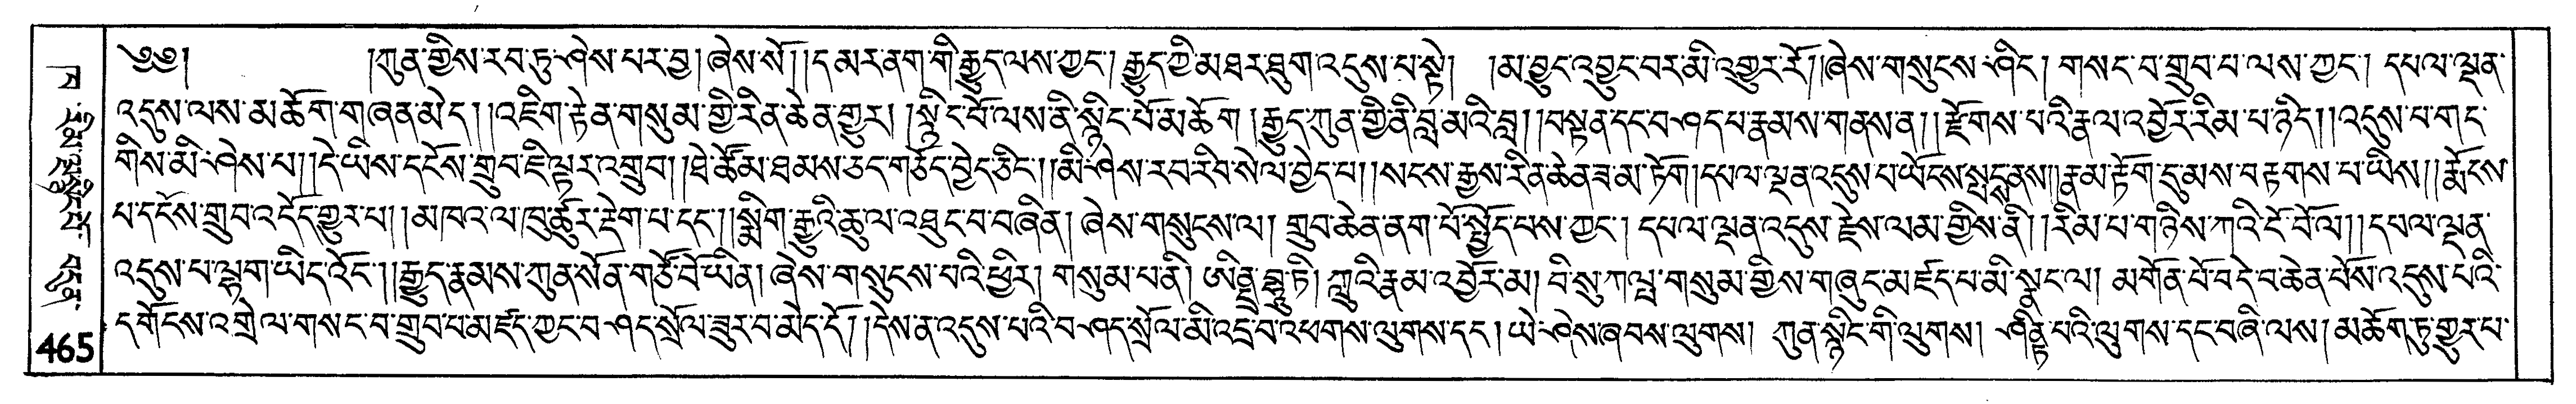༄༅། །ཀུན་གྱིས་རབ་ཏུ་ཤེས་པར་བྱ། ཞེས་སོ། །དམར་ནག་གི་རྒྱུད་ལས་ཀྱང་། རྒྱུད་ཀྱི་མཐར་ཐུག་འདུས་པ་སྟེ། །མ་བྱུང་འབྱུང་བར་མི་འགྱུར་རོ། །ཞེས་གསུངས་ཤིང་། གསང་བ་གྲུབ་པ་ལས་ཀྱང་། དཔལ་ལྡན་
འདུས་ལས་མཆོག་གཞན་མེད། །འཇིག་རྟེན་གསུམ་གྱི་རིན་ཆེན་གྱུར། །སྙིང་པོ་ལས་ནི་སྙིང་པོ་མཆོག །རྒྱུད་ཀུན་གྱི་ནི་བླ་མའི་བླ། །བསྟན་དང་བཤད་པ་རྣམས་གནས་ན། །རྫོགས་པའི་རྣལ་འབྱོར་རིམ་པ་ཉིད། །འདུས་པ་གང་
གིས་མི་ཤེས་པ། །དེ་ཡིས་དངོས་གྲུབ་ཇི་ལྟར་འགྲུབ། །ཐེ་ཚོམ་ཐམས་ཅད་གཅོད་བྱེད་ཅིང་། །མི་ཤེས་རབ་རིབ་སེལ་བྱེད་པ། །སངས་རྒྱས་རིན་ཆེན་ཟ་མ་ཏོག །དཔལ་ལྡན་འདུས་པ་ཡོངས་སྤངས་ནས། །རྣམ་རྟོག་དུ་མས་བརྟགས་པ་ཡིས། །རྨོངས་
པ་དངོས་གྲུབ་འདོད་གྱུར་པ། །མཁའ་ལ་ཁུ་ཚུར་རྡེག་པ་དང་། །སྨིག་རྒྱུའི་ཆུ་ལ་འཐུང་བ་བཞིན། ཞེས་གསུངས་ལ། གྲུབ་ཆེན་ནག་པོ་སྤྱོད་པས་ཀྱང་། དཔལ་ལྡན་འདུས་རྗེས་ལམ་གྱིས་ནི། །རིམ་པ་གཉིས་ཀའི་ངོ་བོ་ལ། །དཔལ་ལྡན་
འདུས་པ་ལྷག་ཡིད་འོང་། །རྒྱུད་རྣམས་ཀུན་སོན་གཙོ་བོ་ཡིན། ཞེས་གསུངས་པའི་ཕྱིར། གསུམ་པ་ནི། ཨིནྡྲ་བྷཱུ་ཏི། ཀླུའི་རྣལ་འབྱོར་མ། བི་སུ་ཀལྤ་གསུམ་གྱིས་གཞུང་མཛད་པ་མི་སྣང་ལ། མགོན་པོ་བདེ་བ་ཆེན་པོས་འདུས་པའི་
དགོངས་འགྲེལ་གསང་བ་གྲུབ་པ་མཛད་ཀྱང་བཤད་སྲོལ་ཟུར་བ་མེད་དོ། །དེས་ན་འདུས་པའི་བཤད་སྲོལ་མི་འདྲ་བ་འཕགས་ལུགས་དང་། ཡེ་ཤེས་ཞབས་ལུགས། ཀུན་སྙིང་གི་ལུགས། ཤིནྟ་པའི་ལུགས་དང་བཞི་ལས། མཆོག་ཏུ་གྱུར་པ་